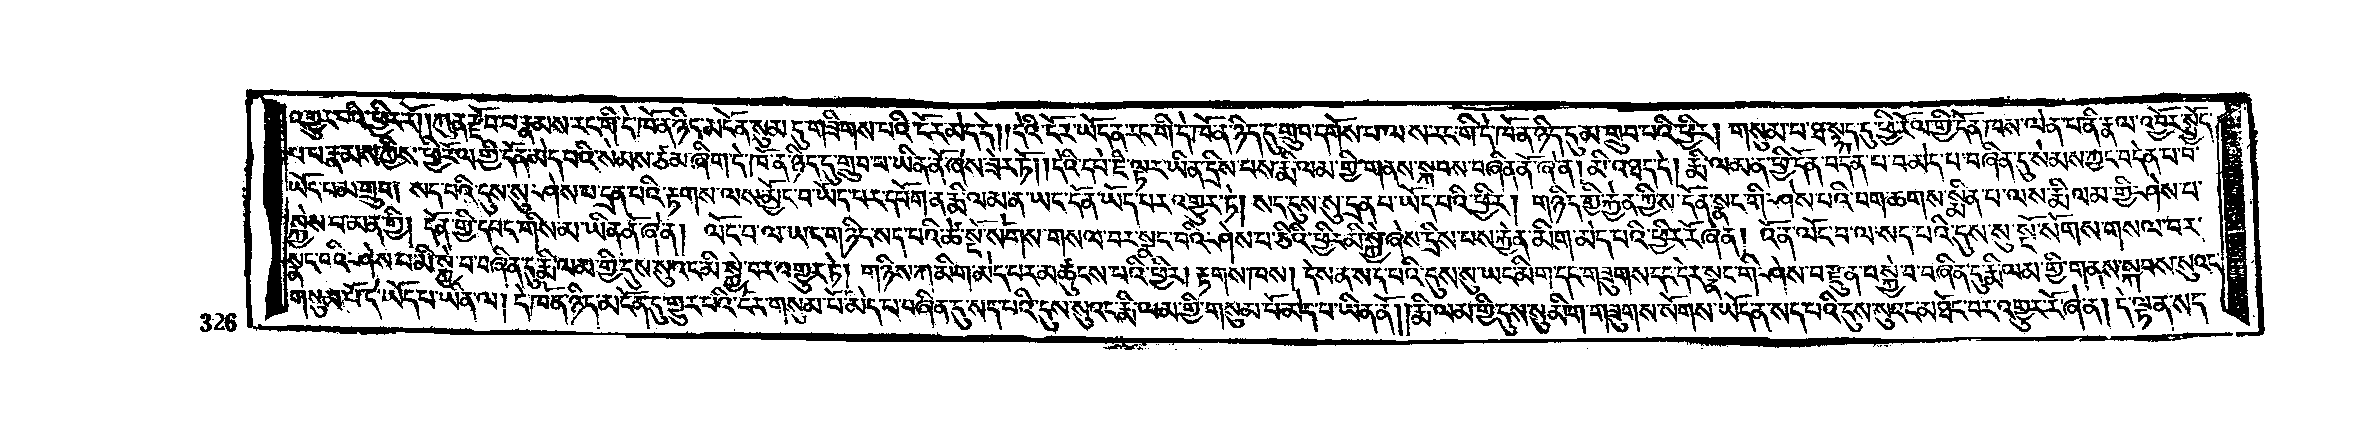འགྱུར་བའི་ཕྱིར་རོ། །ཀུན་རྫོབ་པ་རྣམས་རང་གི་དེ་ཁོ་ན་ཉིད་མངོན་སུམ་དུ་གཟིགས་པའི་ངོར་མེད་དེ། །དེའི་ངོར་ཡོད་ན་རང་གི་དེ་ཁོ་ན་ཉིད་དུ་གྲུབ་དགོས་པ་ལས་རང་གི་དེ་ཁོ་ན་ཉིད་དུ་མ་གྲུབ་པའི་ཕྱིར། གསུམ་པ་ཐ་སྙད་དུ་ཕྱི་རོལ་གྱི་དོན་ཁས་ལེན་པ་ནི་རྣལ་འབྱོར་སྤྱོད་
པ་བ་རྣམས་ཀྱིས་ཕྱི་རོལ་གྱི་དོན་མེད་པའི་སེམས་ཙམ་ཞིག་དེ་ཁོ་ན་ཉིད་དུ་གྲུབ་པ་ཡིན་ནོ་ཞེས་ཟེར་ཏོ། །དེའི་དཔེ་ཇི་ལྟར་ཡིན་དྲིས་པས་རྨི་ལམ་གྱི་གནས་སྐབས་བཞིན་ནོ་ཞེ་ན། མི་འཐད་དེ། རྨི་ལམ་ན་ཕྱི་དོན་བདེན་པ་བ་མེད་པ་བཞིན་དུ་སེམས་ཀྱང་བདེན་པ་བ་
ཡོད་པ་མ་གྲུབ། སད་པའི་དུས་སུ་ཤེས་པ་དྲན་པའི་རྟགས་ལས་མྱོང་བ་ཡོད་པར་དཔོག་ན་རྨི་ལམ་ན་ཡང་དོན་ཡོད་པར་འགྱུར་ཏེ། སད་དུས་སུ་དྲན་པ་ཡོད་པའི་ཕྱིར། གཉིད་ཀྱི་རྐྱེན་གྱིས་དོན་སྣང་གི་ཤེས་པའི་བག་ཆགས་སྨིན་པ་ལས་རྨི་ལམ་གྱི་ཤེས་པ་
སྐྱེས་པ་མན་གྱི། དོན་གྱི་དབང་གིས་མ་ཡིན་ནོ་ཞེ་ན། ལོང་བ་ལ་ཡང་གཉིད་སད་པའི་ཚེ་སྔོ་སོགས་གསལ་བར་སྣང་བའི་ཤེས་པ་ཅིའི་ཕྱིར་མི་སྐྱེ་ཞེས་དྲིས་པས་རྐྱེན་མིག་མེད་པའི་ཕྱིར་རོ་ཞེ་ན། འོ་ན་ལོང་བ་ལ་སད་པའི་དུས་སུ་སྔོ་སོགས་གསལ་བར་
སྣང་བའི་ཤེས་པ་མི་སྐྱེ་བ་བཞིན་དུ་རྨི་ལམ་གྱི་དུས་སུའང་མི་སྐྱེ་བར་འགྱུར་ཏེ། གཉིས་ཀ་མིག་མེད་པར་མཚུངས་པའི་ཕྱིར། རྟགས་ཁས། དེས་ན་སད་པའི་དུས་སུ་ཡང་མིག་དང་གཟུགས་དང་དེར་སྣང་གི་ཤེས་པ་རྫུན་པ་སྐྱེ་བ་བཞིན་དུ་རྨི་ལམ་གྱི་གནས་སྐབས་སུའང་
གསུམ་པོ་དེ་ཡོད་པ་ཡིན་ལ། དེ་ཁོ་ན་ཉིད་མངོན་དུ་གྱུར་པའི་ངོར་གསུམ་པོ་མེད་པ་བཞིན་དུ་སད་པའི་དུས་སུའང་རྨི་ལམ་གྱི་གསུམ་པོ་མེད་པ་ཡིན་ནོ། །རྨི་ལམ་གྱི་དུས་སུ་མིག་གཟུགས་སོགས་ཡོད་ན་སད་པའི་དུས་སུའང་མཐོང་བར་འགྱུར་རོ་ཞེ་ན། དེ་ལྟ་ན་སད་